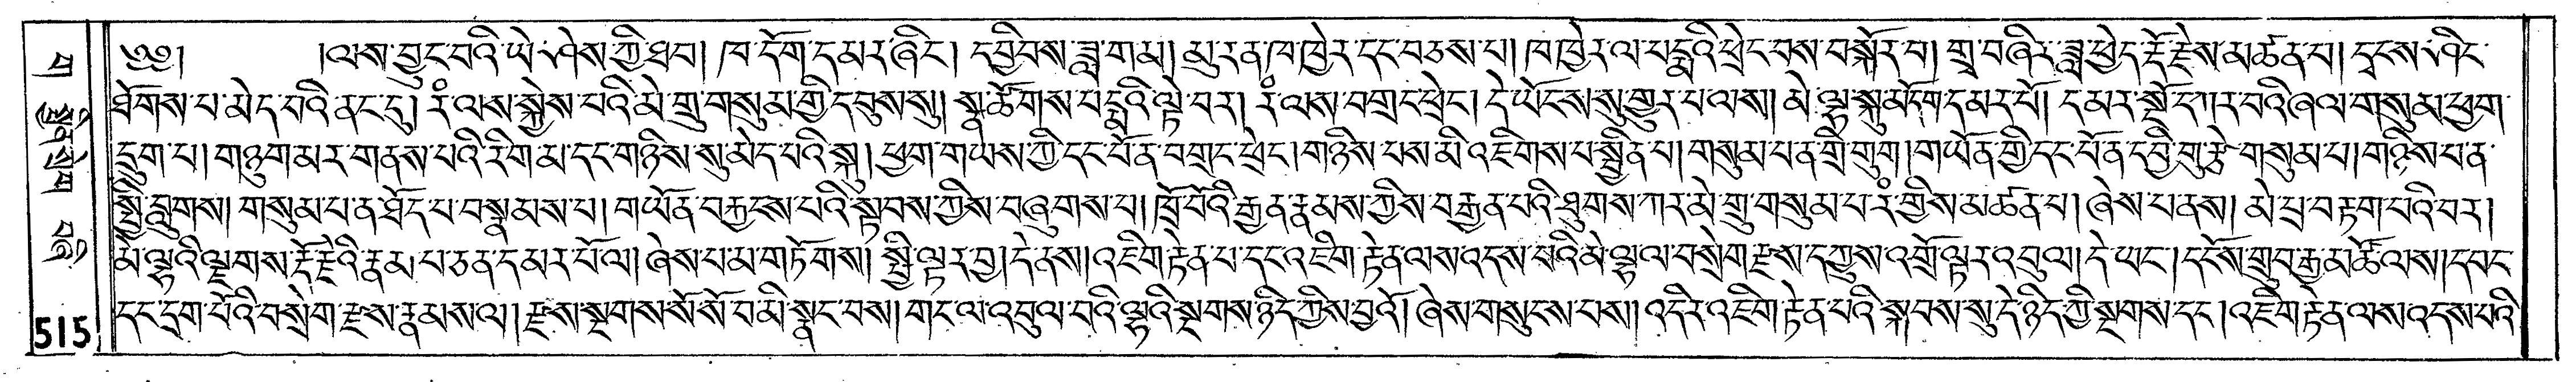༄༅། །ལས་བྱུང་བའི་ཡེ་ཤེས་ཀྱི་ཐབ། ཁ་དོག་དམར་ཞིང་། དབྱིབས་ཟླ་གམ། མུ་རན་ཁ་ཁྱེར་དང་བཅས་པ། ཁ་ཁྱེར་ལ་པདམའི་ཕྲེང་བས་བསྐོར་བ། གྲྭ་བཞིར་ཟླ་ཕྱེད་རྡོ་རྗེས་མཚན་པ། དྭངས་ཤིང་
ཐོགས་པ་མེད་པའི་ནང་དུ། རཾ་ལས་སྐྱེས་པའི་མེ་གྲུ་གསུམ་གྱི་དབུས་སུ། སྣ་ཚོགས་པདམའི་ལྟེ་བར། རཾ་ལས་བགྲང་ཕྲེང་། དེ་ཡོངས་སུ་གྱུར་པ་ལས། མེ་ལྷ་སྐུ་མདོག་དམར་པོ། དམར་སྔོ་དཀར་བའི་ཞལ་གསུམ་ཕྱག་
དྲུག་པ། གཉུག་མར་གནས་པའི་རིག་མ་དང་གཉིས་སུ་མེད་པའི་སྐུ། ཕྱག་གཡས་ཀྱི་དང་པོ་ན་བགྲང་ཕྲེང་། གཉིས་པས་མི་འཇིགས་པ་སྦྱིན་པ། གསུམ་པ་ན་གྲི་གུག །གཡོན་གྱི་དང་པོ་ན་དབྱི་གུ་རྩེ་གསུམ་པ། གཉིས་པ་ན་
སྤྱི་བླུགས། གསུམ་པ་ན་ཐོད་པ་བསྣམས་པ། གཡོན་བརྐྱངས་པའི་སྟབས་ཀྱིས་བཞུགས་པ། ཁྲོ་བོའི་རྒྱན་རྣམས་ཀྱིས་བརྒྱན་པའི་ཐུགས་ཀར་མེ་གྲུ་གསུམ་པ་རཾ་གྱིས་མཚན་པ། ཞེས་པ་ནས། མེ་པྲ་བརྟག་པའི་བར།
མེ་ལྷའི་ལྗགས་རྡོ་རྗེའི་རྣམ་པ་ཅན་དམར་པོ་ལ། ཞེས་པ་མ་གཏོགས། སྤྱི་ལྟར་བྱ། དེ་ནས། འཇིག་རྟེན་པ་དང་འཇིག་རྟེན་ལས་འདས་པའི་མེ་ལྷ་ལ་བསྲེག་རྫས་དཀྱུས་འགྲོ་ལྟར་འབུལ། དེ་ཡང་། དངོས་གྲུབ་རྒྱ་མཚོ་ལས། དབང་
དང་དྲག་པོའི་བསྲེག་རྫས་རྣམས་ལ། རྫས་སྔགས་སོ་སོ་བ་མི་སྣང་བས། གང་ལ་འབུལ་བའི་ལྷའི་སྔགས་ཉིད་ཀྱིས་བྱའོ། ཞེས་གསུངས་པས། འདིར་འཇིག་རྟེན་པའི་སྐབས་སུ་དེ་ཉིད་ཀྱི་སྔགས་དང་། འཇིག་རྟེན་ལས་འདས་པའི་